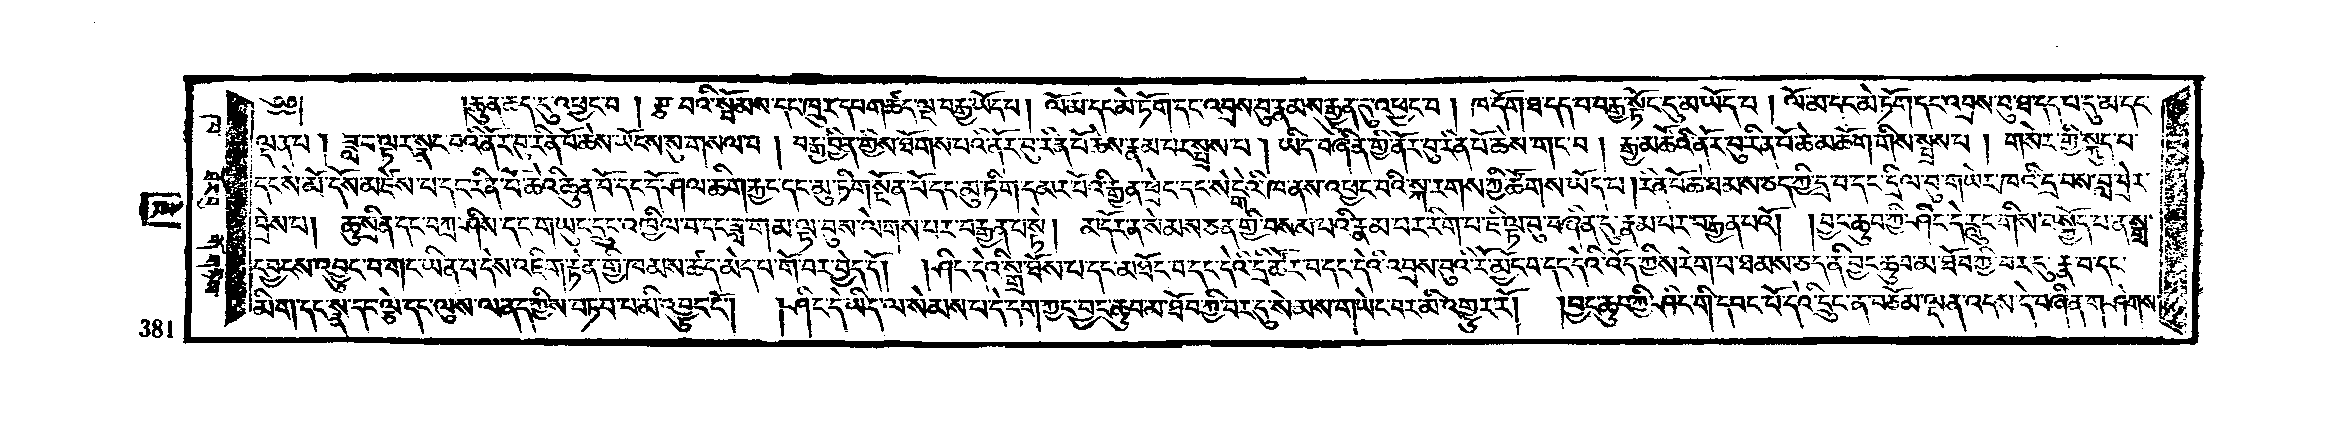༄༅། །ཚུན་ཆད་དུ་འཕྱང་བ། རྩ་བའི་སྤོམས་དང་ཁྲུར་དཔག་ཚད་ལྔ་བརྒྱ་ཡོད་པ། ལོ་མ་དང་མེ་ཏོག་དང་འབྲས་བུ་རྣམས་རྒྱུན་དུ་འཕྱང་བ། ཁ་དོག་ཐ་དད་པ་བརྒྱ་སྟོང་དུ་མ་ཡོད་པ། ལོ་མ་དང་མེ་ཏོག་དང་འབྲས་བུ་ཐ་དད་པ་དུ་མ་དང་
ལྡན་པ། ཟླ་བ་ལྟར་སྣང་བའི་ནོར་བུ་རིན་པོ་ཆེས་ཡོངས་སུ་གསལ་བ། བརྒྱ་བྱིན་གྱིས་ཐོགས་པའི་ནོར་བུ་རིན་པོ་ཆེས་རྣམ་པར་སྤྲས་པ། ཡིད་བཞིན་གྱི་ནོར་བུ་རིན་པོ་ཆེས་གང་བ། རྒྱ་མཚོའི་ནོར་བུ་རིན་པོ་ཆེ་མཆོག་གིས་སྤྲས་པ། གསེར་གྱི་སྐུད་པ་
དང་སེ་མོ་དོས་མཛེས་པ་དང་རིན་པོ་ཆེའི་ཆུན་པོ་དང་དེ་ཤལ་ཚིག་རྐྱང་དང་མུ་ཏིག་སྔོན་པོ་དང་མུ་ཏིག་དམར་པོའི་རྒྱན་ཕྲེང་དང་སེངྒེའི་ཁ་ནས་འཕྱང་བའི་སྐ་རགས་ཀྱི་ཚོགས་ཡོད་པ། རིན་པོ་ཆེ་ཐམས་ཅད་ཀྱི་དྲ་བ་དང་དྲིལ་བུ་གཡེར་ཁའི་དྲ་བས་བླ་བྲེར་
བྲེས་པ། ཆུ་སྲིན་དང་བཀྲ་ཤིས་དང་གཡུང་དྲུང་འཁྱིལ་བ་དང་ཟླ་གམ་ལྟ་བུས་ལེགས་པར་བརྒྱན་པ་སྟེ། མདོར་ན་སེམས་ཅན་གྱི་བསམ་པའི་རྣམ་པར་རིག་པ་ཇི་ལྟ་བུ་བཞིན་དུ་རྣམ་པར་བརྒྱན་པའོ། །བྱང་ཆུབ་ཀྱི་ཤིང་དེ་རླུང་གིས་བསྐྱོད་པ་ན་སྒྲ་
དབྱངས་འབྱུང་བ་གང་ཡིན་པ་དེས་འཇིག་རྟེན་གྱི་ཁམས་ཚད་མེད་པ་གོ་བར་བྱེད་དོ། །ཤིང་དེའི་སྒྲ་ཐོས་པ་དང་མཐོང་བ་དང་དེའི་དྲི་ཚོར་བ་དང་དེའི་འབྲས་བུའི་རོ་མྱོང་བ་དང་དེའི་འོད་ཀྱིས་རེག་པ་ཐམས་ཅད་ནི་བྱང་ཆུབ་མ་ཐོབ་ཀྱི་བར་དུ་རྣ་བ་དང་
མིག་དང་སྣ་དང་ལྕེ་དང་ལུས་ལ་ནད་ཀྱིས་བཏབ་པ་མི་འབྱུང་ངོ། །ཤིང་དེ་ཡིད་ལ་སེམས་པ་དེ་དག་ཀྱང་བྱང་ཆུབ་མ་ཐོབ་ཀྱི་བར་དུ་སེམས་གཡེང་བར་མི་འགྱུར་རོ། །བྱང་ཆུབ་ཀྱི་ཤིང་གི་དབང་པོ་དེའི་དྲུང་ན་བཅོམ་ལྡན་འདས་དེ་བཞིན་གཤེགས་